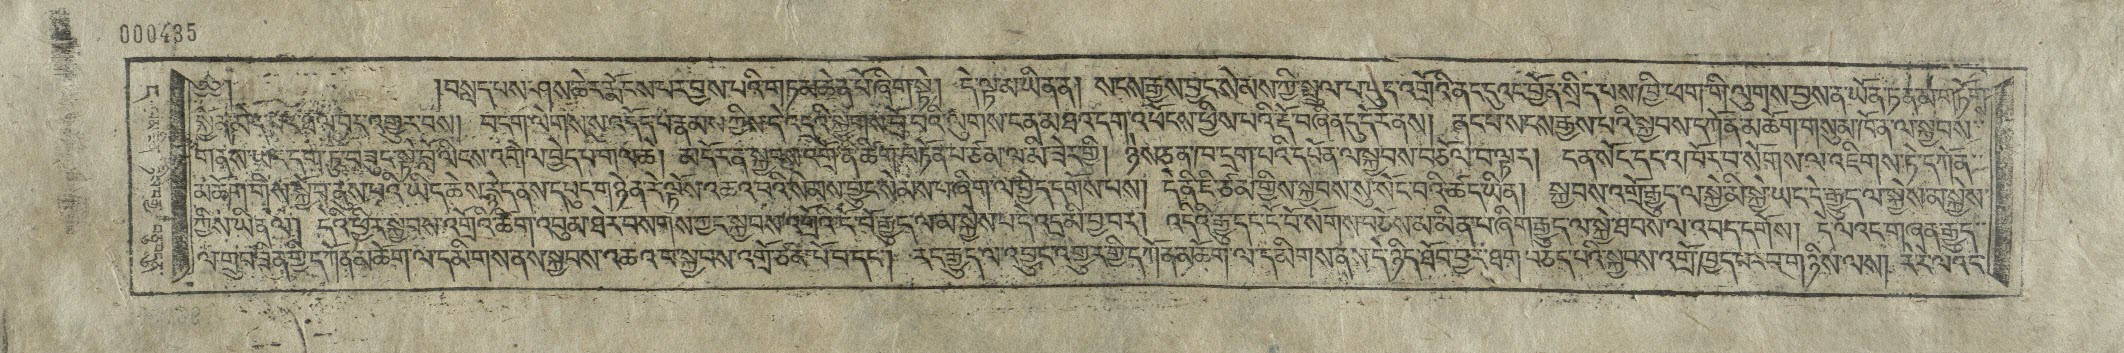༄༅། །བསླད་པས་ཤས་ཆེར་རྨོངས་པར་བྱས་པའི་གཏམ་ཆེན་པོ་ཞིག་སྟེ། དེ་ལྟ་མ་ཡིན་ན། སངས་རྒྱས་བྱང་སེམས་ཀྱི་སྤྲུལ་པ་དུད་འགྲོའི་ནང་དུའང་བྱོན་སྲིད་པས་ཁྱི་ཕག་གི་ལུགས་བྱས་ན་ཡོན་ཏན་མ་གཏོགས་
སྐྱོན་མེད་པར་ཐལ་བར་འགྱུར་བས། བདག་ལེགས་སུ་འདོད་པ་རྣམས་ཀྱིས་དེ་འདྲའི་སྐྱུགས་བྲོ་བའི་ལུགས་ངན་མཐའ་དག་འཕོངས་ཕྱིས་པའི་རྡོ་བཞིན་དུ་དོར་ནས། ནང་པ་སངས་རྒྱས་པའི་སྐྱབས་དཀོན་མཆོག་གསུམ་ཁོ་ན་ལ་སྐྱབས་
གནས་ཡང་དག་ཏུ་བཟུང་སྟེ་བློ་ལིངས་འགེལ་བྱེད་པ་གལ་ཆེ། མདོར་ན་སྐྱབས་འགྲོ་ནི་ཚིག་བཏོན་པ་ཙམ་ལ་མི་ཟེར་གྱི། ཉེས་ཅན་ཁ་དྲག་པའི་དཔོན་ལ་སྐྱབས་བཅོལ་བ་ལྟར། ངན་སོང་དང་འཁོར་བ་སོགས་ལ་འཇིགས་ཏེ་དཀོན་
མཆོག་གིས་སྐྱོབ་ནུས་པའི་ཡིད་ཆེས་རྙེད་ནས་དཔུང་གཉེན་རེ་ལྟོས་འཆའ་བའི་སེམས་བྱུང་སེམས་པ་ཞིག་ལ་བྱེད་དགོས་པས། དེ་ནི་ཇི་ཙམ་གྱིས་སྐྱབས་སུ་སོང་བའི་ཚད་ཡིན། སྐྱབས་འགྲོ་རྒྱུད་ལ་སྐྱེ་མི་སྐྱེ་ཡང་དེ་རྒྱུད་ལ་སྐྱེས་མ་སྐྱེས་
ཀྱིས་ཡིན་ལ། དེའི་ཕྱིར་སྐྱབས་འགྲོའི་ཚིག་འབུམ་ཐེར་བསགས་ཀྱང་སྐྱབས་འགྲོའི་ངོ་བོ་རྒྱུད་ལ་མ་སྐྱེས་པ་དེ་འདྲ་མི་བྱ་བར། འདིའི་རྒྱུ་དང་ངོ་བོ་སོགས་བཅོས་མ་མིན་པ་ཞིག་རྒྱུད་ལ་སྐྱེ་ཐབས་ལ་འབད་དགོས། དེ་ལའང་གཞན་རྒྱུད་
ལ་གྲུབ་ཟིན་གྱི་དཀོན་མཆོག་ལ་དམིགས་ནས་སྐྱབས་འཆའ་བ་སྐྱབས་འགྲོ་ཙམ་པོ་བ་དང་། རང་རྒྱུད་ལ་འབྱུང་འགྱུར་གྱི་དཀོན་མཆོག་ལ་དམིགས་ནས་དེ་ཉིད་ཐོབ་བྱར་ཐག་བཅད་པའི་སྐྱབས་འགྲོ་ཁྱད་པར་བ་གཉིས་ལས། རེ་རེ་ལའང་